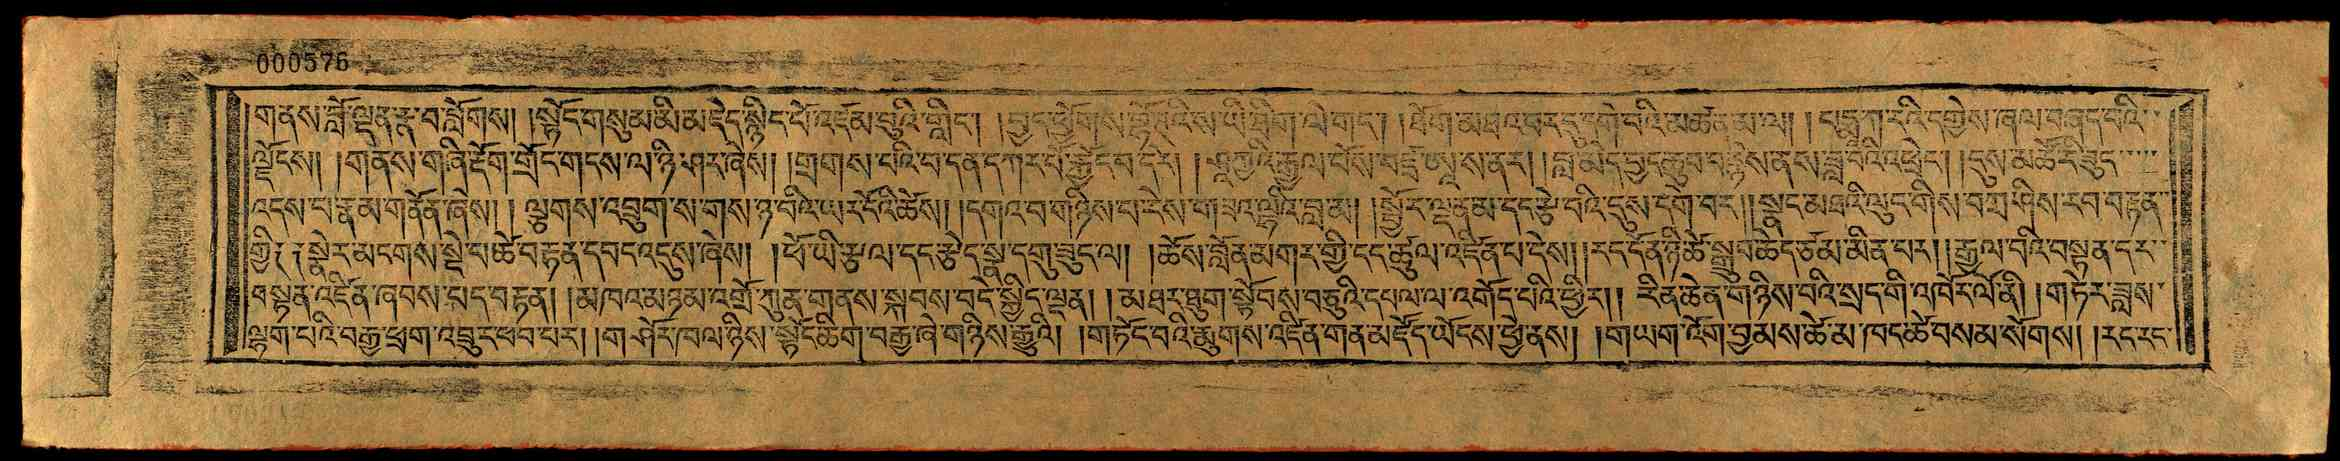གནས་བློ་ལྡན་རྣ་བ་བློགས། །སྟོང་གསུམ་མི་མཇེད་སྙིང་པོ་འཛམ་བུའི་གླིང་། །བྱང་ཕྱོགས་བྷོ་ཊའི་ས་ཡི་ཐིག་ལེ་གང་། །ཐོག་མཐའ་བར་དུ་དགེ་བའི་མཚན་མ་ལ། །པདམ་ཀ་རའི་དགྱེས་ཞལ་བཞད་པའི་
ལྗོངས། །གནས་གཞི་རྡོག་གྲོངས་གངས་ལ་ཉི་ཤར་ཞེས། །གྲགས་པའི་བ་དག་དཀར་པོ་རྐྱོང་བ་དེར། །ཤཱཀྱའི་རྒྱལ་པོས་བཛྲ་ཨཱ་ས་ནར། །བླ་མེད་བྱང་ཆུབ་བརྙེས་ནས་ཟླ་བའི་འཕྲེང་། །དུག་མཚོ་རི་ཟུང་
འདས་པ་རྣམ་གནོན་ཞེས། །ལྕགས་འབྲུག་ས་གས་ཉ་བའི་ཡང་ངོའི་ཚེས། །དགའ་བ་གཉིས་པ་རེས་གཟའ་ལྷའི་བླ་མ། །སྦྱོར་ལྡན་མ་དང་རྩེ་བའི་དུས་དགེ་བར། །སྣང་མཐའི་ལུང་གིས་བཀྲ་ཤིས་རབ་བརྟེན་
གྱི༑ ༑སྣེར་མངགས་སྡེ་པ་ཚེ་བརྟེན་དབང་འདུས་ཞེས། །ཕོ་ཡི་རྩལ་དང་རྩེད་སྣ་དགུ་ཟུང་ལ། །ཆོས་བློན་མགར་གྱི་ངང་ཚུལ་འཛིན་པ་དེས། །རང་དོན་ཉེ་ཚེ་སྒྲུབ་ཆེད་ཙམ་མིན་པར། །རྒྱལ་བའི་བསྟན་དང་
བསྟན་འཛིན་ཞབས་པད་བརྟན། །མཁའ་མཉམ་འགྲོ་ཀུན་གནས་སྐབས་བདེ་སྐྱིད་ལྡན། །མཐར་ཐུག་སྟོབས་མྕུའི་དཔལ་ལ་འགོད་པའི་ཕྱིར། །རིན་ཆེན་གཉིས་བའི་སྲང་གི་འཁོར་ལོ་ནི། །གཏེར་ཟླས་
ལྷག་པའི་བརྒྱ་ཕྲག་འབྲུར་ཕབ་པར། །གཤོར་ཁལ་ཉིས་སྟོང་ཆིག་བརྒྱ་ཞེ་གཉིས་རྒྱུའི། །གཏོང་བའི་རྨུགས་འཛིན་གན་མཛོད་ཡོངས་ཕྱེ་ནས། །གཡག་འོག་བྱམས་ཚེ་མ་ཁང་ཚེ་བསམ་སོགས། །རང་རང་